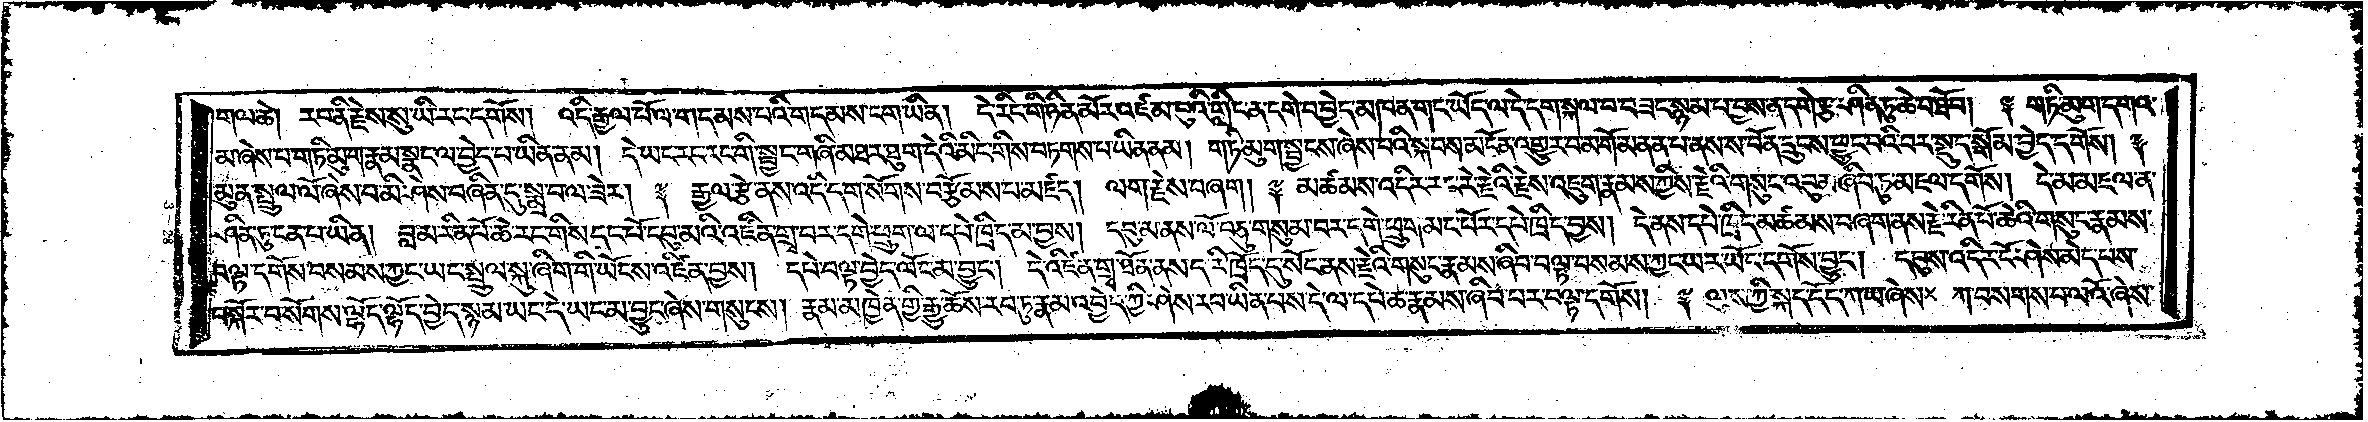གལ་ཆེ། རབ་ནི་རྗེས་སུ་ཡི་རང་དགོས། འདི་རྒྱལ་པོ་ལ་གདམས་པའི་གདམས་ངག་ཡིན། དེ་རིང་གི་ཉིན་མོར་འཛམ་བུའི་གླིང་ན་དགེ་བ་བྱེད་མཁན་གང་ཡོད་ལ་དེ་དག་སྐལ་བ་བཟང་སྙམ་པ་བྱས་ན་དགེ་རྩ་ཤིན་ཏུ་ཆེ་བ་ཐོབ། ༈ གཏི་མུག་དགའ་
མ་ཞེས་པ་གཏི་མུག་རྣམ་སྣང་ལ་བྱེད་པ་ཡིན་ནམ། དེ་ཡང་རང་རང་གི་སྦྱང་གཞི་མཐར་ཐུག་དེའི་མིང་གིས་བཏགས་པ་ཡིན་ནམ། གཏི་མུག་སྦྱངས་ཞེས་པའི་སྐབས་མངོན་འགྱུར་བ་མགོ་མནན་པ་ནས་ས་བོན་དྲུངས་ཕྱུང་བའི་བར་སྡུད་སྒོམ་བྱེད་དགོས། ༈
མུན་སྤྲུལ་ལོ་ཞེས་བ་མི་ཤེས་བཞིན་དུ་སྨྲ་བ་ལ་ཟེར། ༈ རྒྱལ་རྩེ་ནས་འདི་དག་སོགས་བརྩོམས་པ་མཛད། ལག་རྗེས་བཞག། ༈ མཚམས་འདིར་རང་རེ་རྗེའི་རྗེས་འཇུག་རྣམས་ཀྱིས་རྗེའི་གསུང་འབུམ་ཞིབ་ཏུ་མཇལ་དགོས། དེ་མ་མཇལ་ན་
ཤིན་ཏུ་ངན་པ་ཡིན། བླ་མ་རིན་པོ་ཆེ་རང་གིས་དང་པོ་དབུ་མའི་འཛིན་གྲྭ་པར་དགེ་ཕྲུག་ལ་དཔེ་ཁྲིད་མ་བྱས། དབུ་མ་ནས་ལོ་བཅུ་གསུམ་བར་དགེ་ཕྲུག་མང་པོར་དཔེ་ཁྲིད་བྱས། དེ་ནས་དཔེ་ཁྲིད་མཚམས་བཞག་ནས་རྗེ་རིན་པོ་ཆེའི་གསུང་རྣམས་
བལྟ་དགོས་བསམས་ཀྱང་ཡང་སྤྲུལ་སྐུ་ཞིག་གི་ཡོངས་འཛིན་བྱས། དཔེ་བལྟ་བྱེད་ལོང་མ་བྱུང་། དེ་འཛིན་གྲྭ་ཐོན་ནས་ད་རི་ཁྲོད་དུ་སོང་ནས་རྗེའི་གསུང་རྣམས་ཞིབ་བལྟ་བསམས་ཀྱང་ཡར་ཡོང་དགོས་བྱུང་། དབུས་འདིར་ངོ་ཤེས་མེད་པས་
བསྐོར་བ་སོགས་ལྷོད་ལྷོད་བྱེད་སྙམ་ཡང་དེ་ཡང་མ་བྱུང་ཞེས་གསུངས། རྣམ་མཁྱེན་གྱི་རྒྱུ་ཆོས་རབ་ཏུ་རྣམ་འབྱེད་ཀྱི་ཤེས་རབ་ཡིན་པས་དེ་ལ་དཔེ་ཆ་རྣམས་ཞིབ་པར་བལྟ་དགོས། ༈ ལུས་ཀྱི་སྐད་དོད་ཀ་ཡ་ཞེས྾་ཀ་བསགས་པ་ལའོ་ཞེས་